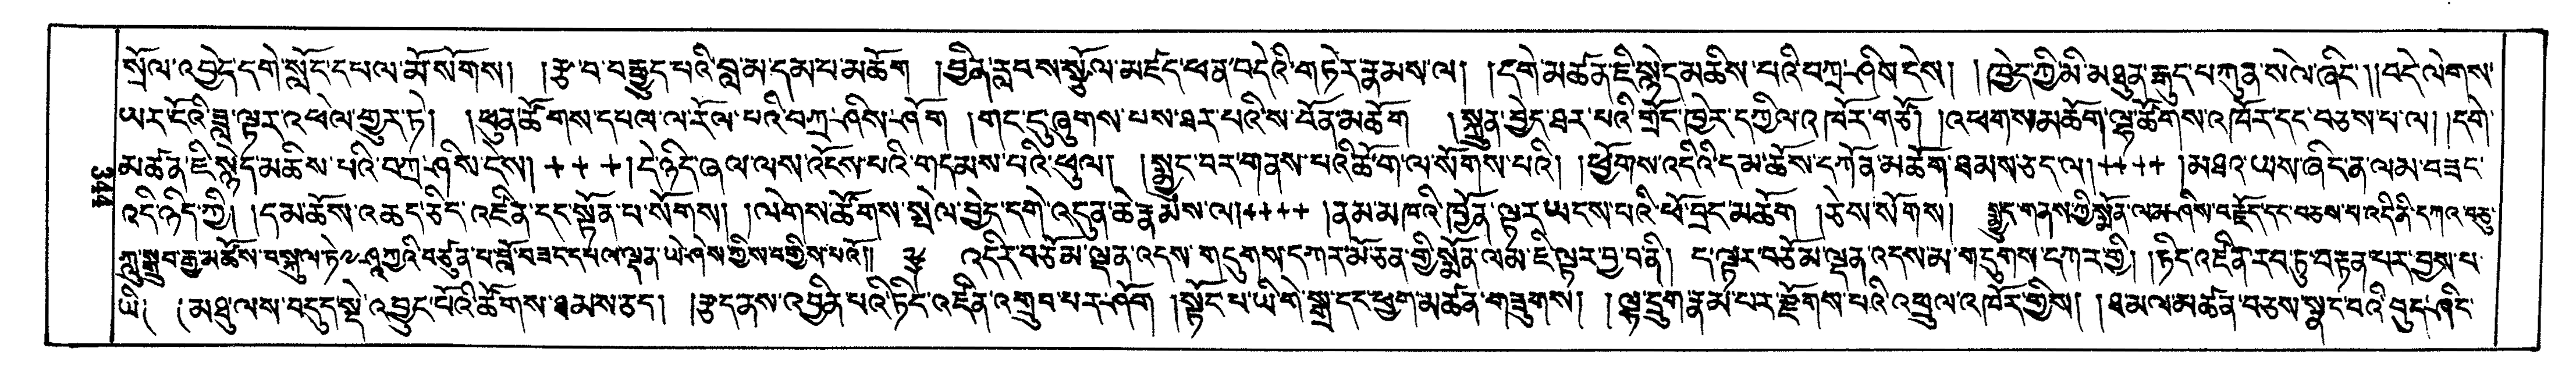སྲོལ་འབྱེད་དགེ་སློང་དཔལ་མོ་སོགས། །རྩ་བ་བརྒྱུད་པའི་བླ་མ་དམ་པ་མཆོག །བྱིན་རླབས་སྩོལ་མཛད་ཕན་བདེའི་གཏེར་རྣམས་ལ། །དགེ་མཚན་ཇི་སྙེད་མཆིས་པའི་བཀྲ་ཤིས་དེས། །ཁྱེད་ཀྱི་མི་མཐུན་རྒུད་པ་ཀུན་སེལ་ཞིང་། །བདེ་ལེགས་
ཡར་ངོའི་ཟླ་ལྟར་འཕེལ་གྱུར་ཏེ། །ཕུན་ཚོགས་དཔལ་ལ་རོལ་པའི་བཀྲ་ཤིས་ཤོག །གང་དུ་ཞུགས་པས་ཐར་པའི་ས་བོན་མཆོག །སྐྲུན་བྱེད་ཐར་པའི་གྲོང་ཁྱེར་དཀྱིལ་འཁོར་གཙོ། །འཕགས་མཆོག་ལྷ་ཚོགས་འཁོར་དང་བཅས་པ་ལ། །དགེ་
མཚན་ཇི་སྙེད་མཆིས་པའི་བཀྲ་ཤིས་དེས། +་+་+་།དེ་ཉིད་ཞལ་ལས་འོངས་པའི་གདམས་པའི་ཕུལ། །སྨྱུང་བར་གནས་པའི་ཚོ་ག་ལ་སོགས་པའི། །ཕྱོགས་འདིའི་དམ་ཆོས་དཀོན་མཆོག་ཐམས་ཅད་ལ། +་+་+་+་།མཐའ་ཡས་ཞིང་ན་ལམ་བཟང་
འདི་ཉིད་ཀྱི། །དམ་ཆོས་འཆད་ཅིང་འཛིན་དང་སྟོན་པ་སོས། །ལེགས་ཚོགས་སྤེལ་བྱེད་དགེ་འདུན་ཆེ་རྣམས་ལ། +་+་+་+་།ནམ་མཁའི་ཁྱོན་ལྟར་ཡངས་པའི་ཕོ་བྲང་མཆོག །ཅེས་སོགས། སྨྱུང་གནས་ཀྱི་སྨོན་ལམ་ཤིས་བརྗོད་དང་བཅས་པ་འདི་ནི་དཀའ་བཅུ་
ཀླུ་སྒྲུབ་རྒྱ་མཚོས་བསྐུལ་ཏེ་༧་ཤཱཀྱའི་བཙུན་པ་བློ་བཟང་དཔལ་ལྡན་ཡེ་ཤེས་ཀྱིས་བགྱིས་པའོ།། ༈ འདིར་བཅོམ་ལྡན་འདས་གདུགས་དཀར་མོན་ཅན་གྱི་སྨོན་ལམ་ཇི་ལྟར་བྱ་བ་ནི། དེ་ལྟར་བཅོམ་ལྡན་འདས་མ་གདུགས་དཀར་གྱི། །ཏིང་འཛིན་རབ་ཏུ་བརྟན་པར་བྱས་པ་
ཡི༑ ༑མཐུ་ལས་བདུད་སྡེ་འབྱུང་པོའི་ཚོགས་ཐམས་ཅད། །རྩད་ནས་འབྱིན་པའི་ཏིང་འཛིན་འགྲུབ་པར་ཤོག །སྟོང་པ་ཡི་གེ་སྒྲ་དང་ཕྱག་མཚན་གཟུགས། །ལྷ་དྲུག་རྣམ་པར་རྫོགས་པའི་འཕྲུལ་འཁོར་གྱིས། །ཐ་མལ་མཚན་བཅས་སྣང་བའི་བུད་ཤིང་